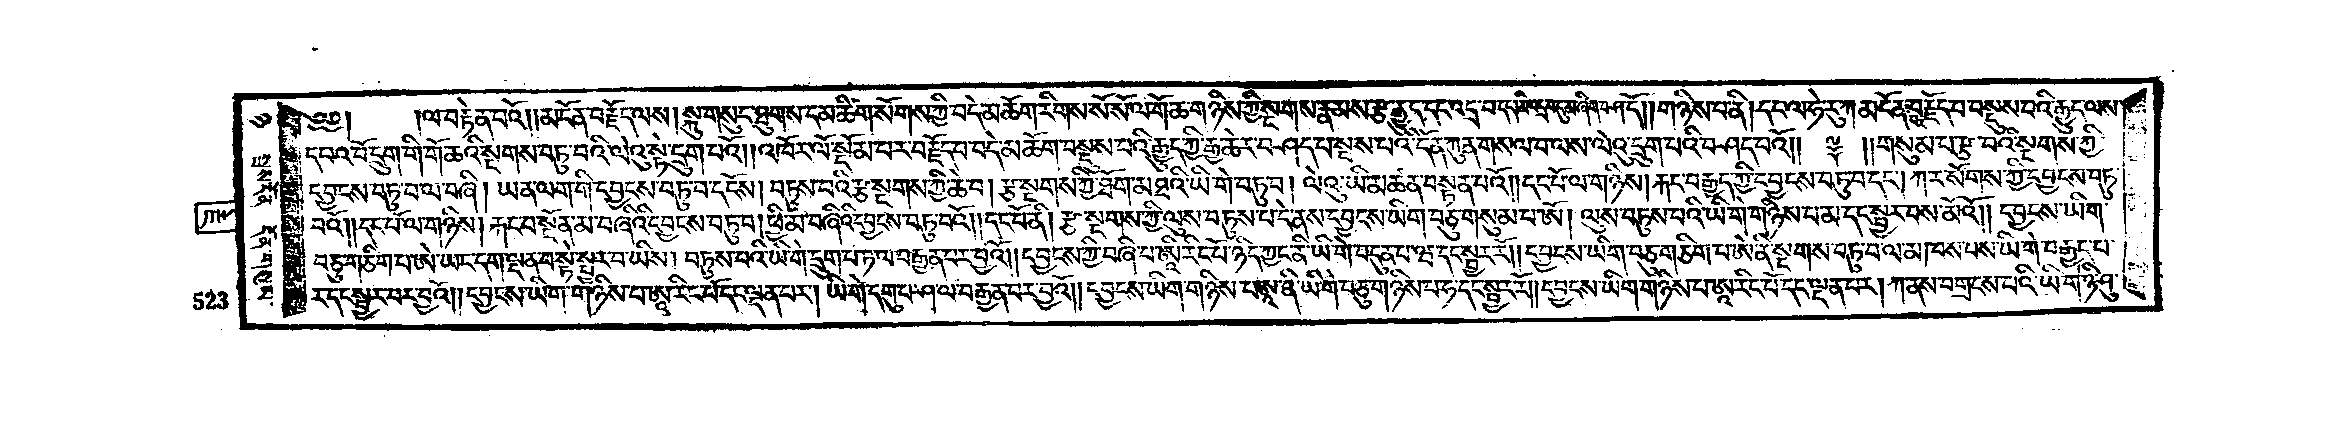༄༅། །ལ་བརྟེན་པའོ། །མངོན་བརྗོད་ལས། སྐུ་གསུང་ཐུགས་དམ་ཚིག་སོགས་ཀྱི་བདེ་མཆོག་རིགས་སོ་སོ་ལ་གོ་ཆ་གཉིས་ཀྱི་སྔགས་རྣམས་རྩ་རྒྱུད་དང་འདྲ་བ་དང་། མི་འདྲ་བ་དུ་མ་ཞིག་བཤད་དོ། །གཉིས་པ་ནི། དཔལ་ཧེ་རུ་ཀ་མངོན་པར་བརྗོད་པ་བསྡུས་པའི་རྒྱུད་ལས་
དཔའ་བོ་དྲུག་གི་གོ་ཆའི་སྔགས་བཏུ་བའི་ལེའུ་སྟེ་དྲུག་པའོ། །འཁོར་ལོ་སྡོམ་པར་བརྗོད་པ་བདེ་མཆོག་བསྡུས་པའི་རྒྱུད་ཀྱི་རྒྱ་ཆེར་བཤད་པ་སྦས་པའི་དོན་ཀུན་གསལ་བ་ལས་ལེའུ་དྲུག་པའི་བཤད་པའོ།། ༈ །།གསུམ་པ་རྩ་བའི་སྔགས་ཀྱི་
དབྱངས་བཏུ་བ་ལ་བཞི། ཡན་ལག་གི་དབྱངས་བཏུ་བ་དངོས། བཏུས་པའི་རྩ་སྔགས་ཀྱི་ཆེ་བ། རྩ་སྔགས་ཀྱི་ཐོག་མཐའི་ཡི་གེ་བཏུ་བ། ལེའུ་ཡི་མཚན་བསྟན་པའོ། །དང་པོ་ལ་གཉིས། རྐང་བརྒྱད་ཀྱི་དབྱངས་བཏུ་བ་དང་། ཀ་ར་སོགས་ཀྱི་དབྱངས་བཏུ་
བའོ། །དང་པོ་ལ་གཉིས། རྐང་པ་སྔོན་མ་བཞིའི་དབྱངས་བཏུ་བ། ཕྱི་མ་བཞིའི་དབྱངས་བཏུ་བའོ། །དང་པོ་ནི། རྩ་སྔགས་ཀྱི་ལུས་བཏུས་པ་དེ་ནས་དབྱངས་ཡིག་བཅུ་གསུམ་པ་ཨོ། ལུས་བཏུས་པའི་ཡི་གེ་གཉིས་པ་མ་དང་སྦྱར་བས་མོའོ། །དབྱངས་ཡིག་
བཅུ་གཅིག་པ་ཨེ་ཡང་དག་ལྡན་པ་སྟེ་སྦྱར་བ་ཡིས། བཏུས་པའི་ཡི་གེ་དྲུག་པ་ཏ་ལ་བརྒྱན་པར་བྱའོ། །དབྱངས་ཀྱི་བཞི་པ་ཨཱི་རིང་པོ་ཉིད་ཀྱང་ནི་ཡི་གེ་བདུན་པ་ཝ་དང་སྦྱར་རོ། །དབྱངས་ཡིག་བཅུ་གཅིག་པ་ཨེ་ནི་སྔགས་བཏུ་བ་ལ་མཁས་པས་ཡི་གེ་བརྒྱད་པ་
ར་དང་སྦྱར་བར་བྱའོ། །དབྱངས་ཡིག་གཉིས་པ་ཨཱ་རིང་པོ་དང་ལྡན་པར། ཡི་གེ་དགུ་པ་ཤ་ལ་བརྒྱན་པར་བྱའོ། །དབྱངས་ཡིག་གཉིས་པ་ཨཱ་ནི་ཡི་གེ་བཅུ་གཉིས་པ་ཧ་དང་སྦྱར་རོ། །དབྱངས་ཡིག་གཉིས་པ་ཨཱ་རིང་པོ་དང་ལྡན་པར། ཀ་ནས་བགྲངས་པའི་ཡི་གེ་ཉི་ཤུ་